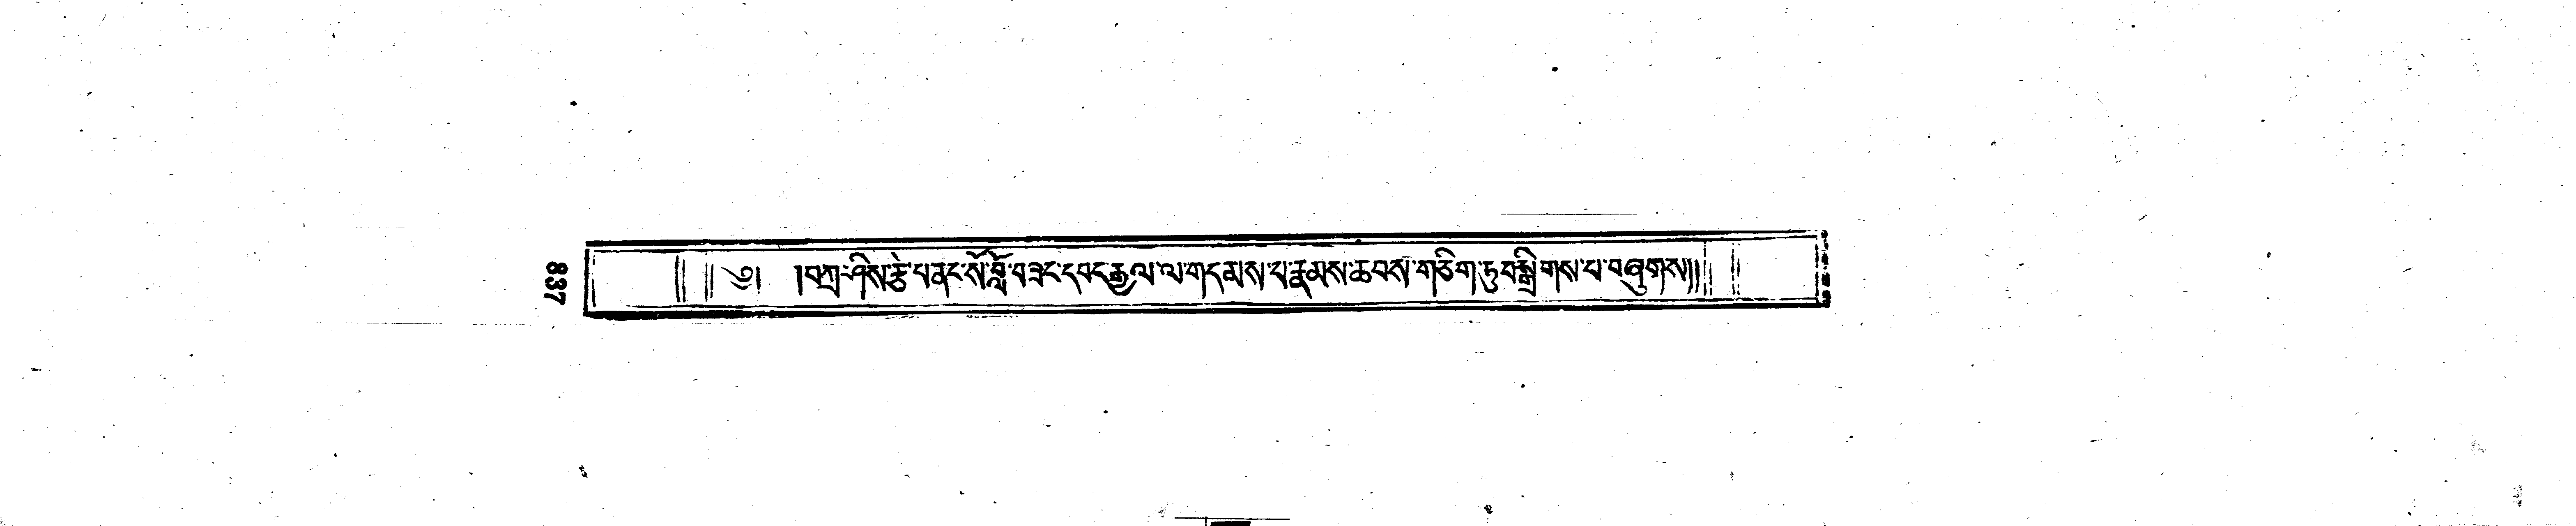༄༅། །བཀྲ་ཤིས་རྩེ་པ་ནང་སོ་བློ་བཟང་དབང་རྒྱལ་ལ་གདམས་པ་རྣམས་ཆབས་གཅིག་ཏུ་བསྒྲིགས་པ་བཞུགས། །